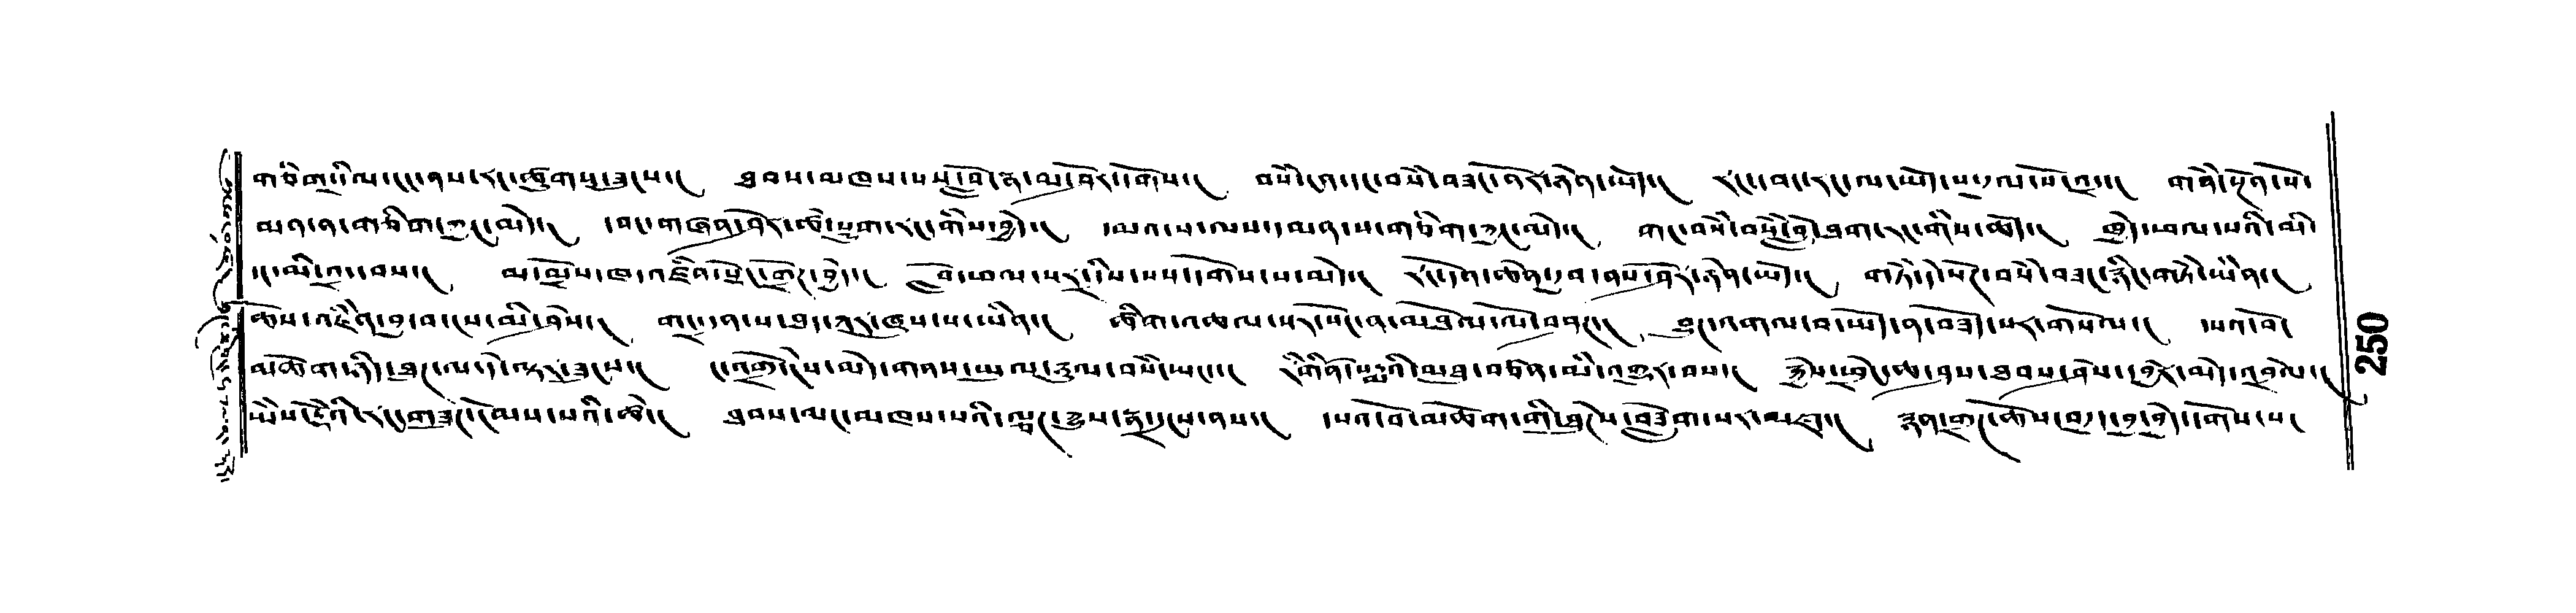གཅིག་དྲིལ་ངང་ནས་རང་ཚུགས་ཟུངས། །ཐབས་མཁས་པས་བློ་སྣ་མ་ཤོར་དགོས། །བསམ་ངན་དང་བསམ་བཟང་ནོར་ཉེན་ཡོད། །རང་དབང་རང་ལ་ཡོད་པ་རྒྱལ་པོ་འདྲ། །གནམ་སྔོན་པོ་
མན་ན་གཅིག་ཀྱང་མེད། །དབང་གཞན་ཤོར་ཚེ་སྡུག་རང་གིས་བྱེད། །དམའ་ས་ལས་དམན་པ་གཅིག་ཀྱང་མེད། །གང་བསམ་བསམ་བློ་ཐག་རང་གིས་ཆོད། ཁྱེད་ཕལ་པའི་མི་དང་མི་
འདྲ་བས། །མ་མཁའ་འགྲོས་ཁ་འཛིན་སྡོང་གྲོགས་བྱེད། །བློ་ཕལ་པར་དྲིས་པས་དགོས་པ་མེད། །རང་དོན་ཆེན་རྒྱབ་ནས་ཤོར་ཉེན་ཡོད། །གཏམ་དེ་སོགས་བསམ་བཟང་སྙིང་གཏམ་ཡིན། །
ཆོས་འཇིག་རྟེན་བྱ་བ་ངས་མི་ཤེས། །གང་དྲན་པ་ཐད་ཀར་ཞུས་པ་ཡིན། །ཚིག་འཆལ་པར་སོང་ན་མཐོལ་ལོ་བཤགས། །ཐུགས་འགལ་བ་ཡོད་ན་བཟོད་པར་གསོལ། །དཔའ་བོ་
མཆོག་ཉིད་ཐུགས་ལ་དེ་ལྟར་ཟུངས། །ང་འགྲོ་ངེས་མེད་གནས་ཡུལ་ཉུལ་བསམ་ཡང་། །རིག་འཛིན་པདྨའི་མཐུ་བཙན་མི་འགྱུར་བས། །སྐྱེས་ཕྲེང་ཆ་ཤས་ཐབས་ཤེས་དབྱེར་མེད་འབྲེལ། །
ཡེ་ཤེས་རྡོ་རྗེའི་རང་གཟུགས་ངོམས་པའི་ཚེ། །ཐབས་མང་མཁས་པའི་ལྕགས་ཀྱུས་སྣ་དྲངས་ནས། །དཔའ་བོ་མཆོག་གི་ཐུགས་རྗེས་བཟློག་པར་མཛད།སྙན་གྲགས་ཆོས་བརྒྱད་བྱ་བྱེད་དགོས་པ་